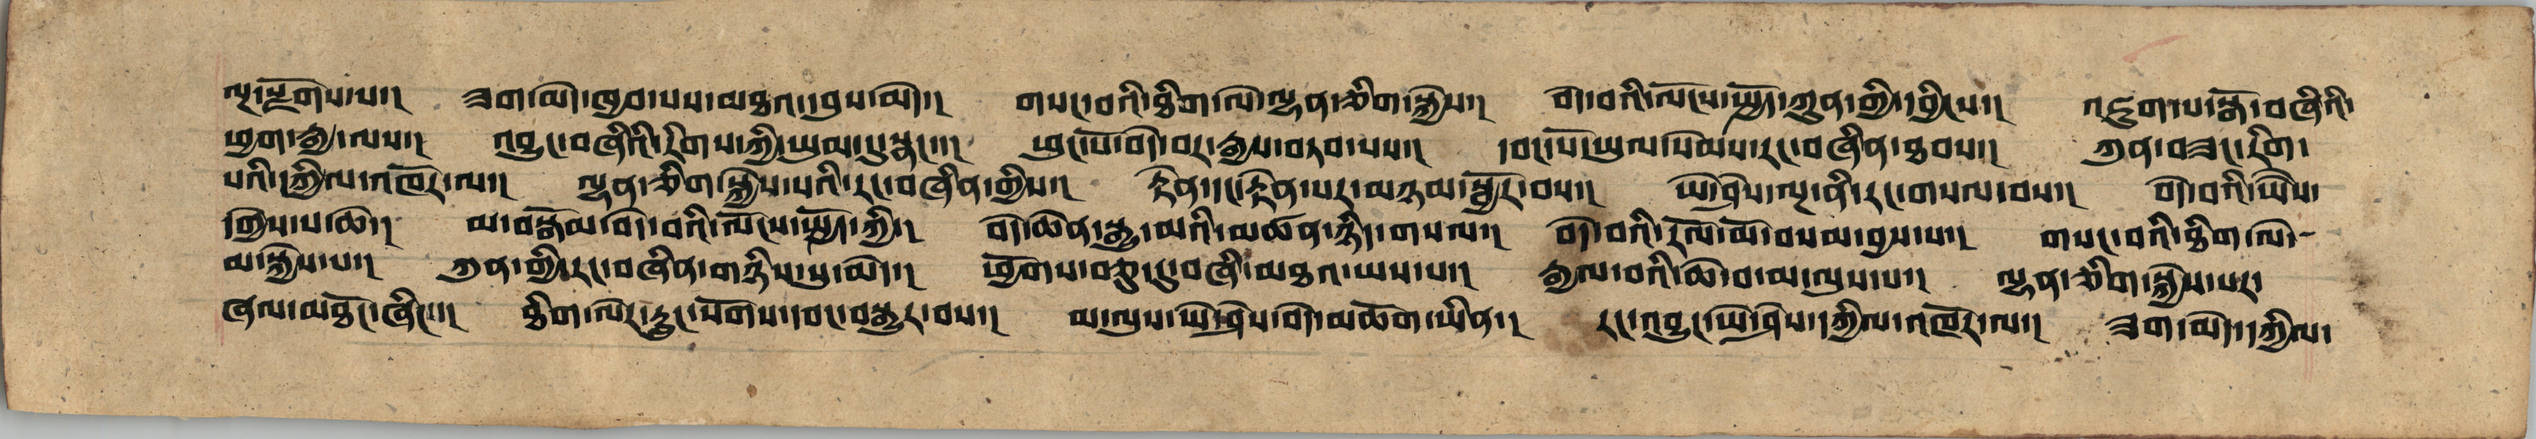ལྔ་སྫོགས་པ་། ཟག་མེད་ཁྱབ་པས་མཐའ་དབུས་མེད་། གསང་བའི་ཐིག་ལེ་ལྷན་ཅིག་སྐྱེས་། བདེ་བའི་ལོངས་སྤྱོད་ཀུན་གྱི་དབྱིངས་། འཇུག་པ་སྒོ་བཞིའི་
ཕྱག་རྒྱ་ལས་། འབྱུང་བཞིའི་རིགས་ཀྱི་ཡུམ་དུ་སྣང་་། ཕུང་པོ་བདེ་བར་རྒྱས་བཏབ་པས་། དབང་པོ་ཡུལ་སེམས་རང་བཞིན་ཐབས་། ཀུན་བཟང་རིག་
པའི་དཀྱིལ་འཁོར་ལ་། ལྷན་ཅིག་སྐྱེས་པའི་རང་བཞིན་གྱིས་། རྟེན་དང་རྟེན་པར་མཉམ་སྦྱོར་བས་། ཡེ་ཤེས་ལྔ་ནི་རང་གསལ་བས་། བདེ་བའི་ཡཻས་
དགྱེས་པ་ཆེ་། མ་བསྒོམ་བདེ་བའི་ལོངས་སྤྱོད་ཀྱི་། བདེ་ཆེན་སྒྱུ་མའི་མཚན་ཉིད་གསལ་། བདེ་བའི་རོལ་མོ་བསམ་བྱས་པ་། གསང་བའི་ཐིག་ལེ་
མ་སྐྱེས་པ་། ཀུན་གྱི་རང་བཞིན་གཉིས་སུ་མེད་། ཕྱོགས་བཅུ་དུ་བཞི་མཐའ་ཡས་པ་། རྒྱལ་བའི་ཆེ་བ་མ་ལུས་པ་། ལྷན་ཅིག་སྐྱེས་པར་
ཞལ་མཐོང་ཞིང་་། ཐིག་ལེར་རླུང་སོགས་དབང་བསྒྱུར་བས་། མ་ལུས་ཡེ་ཤེས་བདེ་མཆོག་ཡིན་། རང་འབྱུང་ཡེ་ཤེས་དཀྱིལ་འཁོར་ལ་། ཟག་མེད་དཀྱིལ་